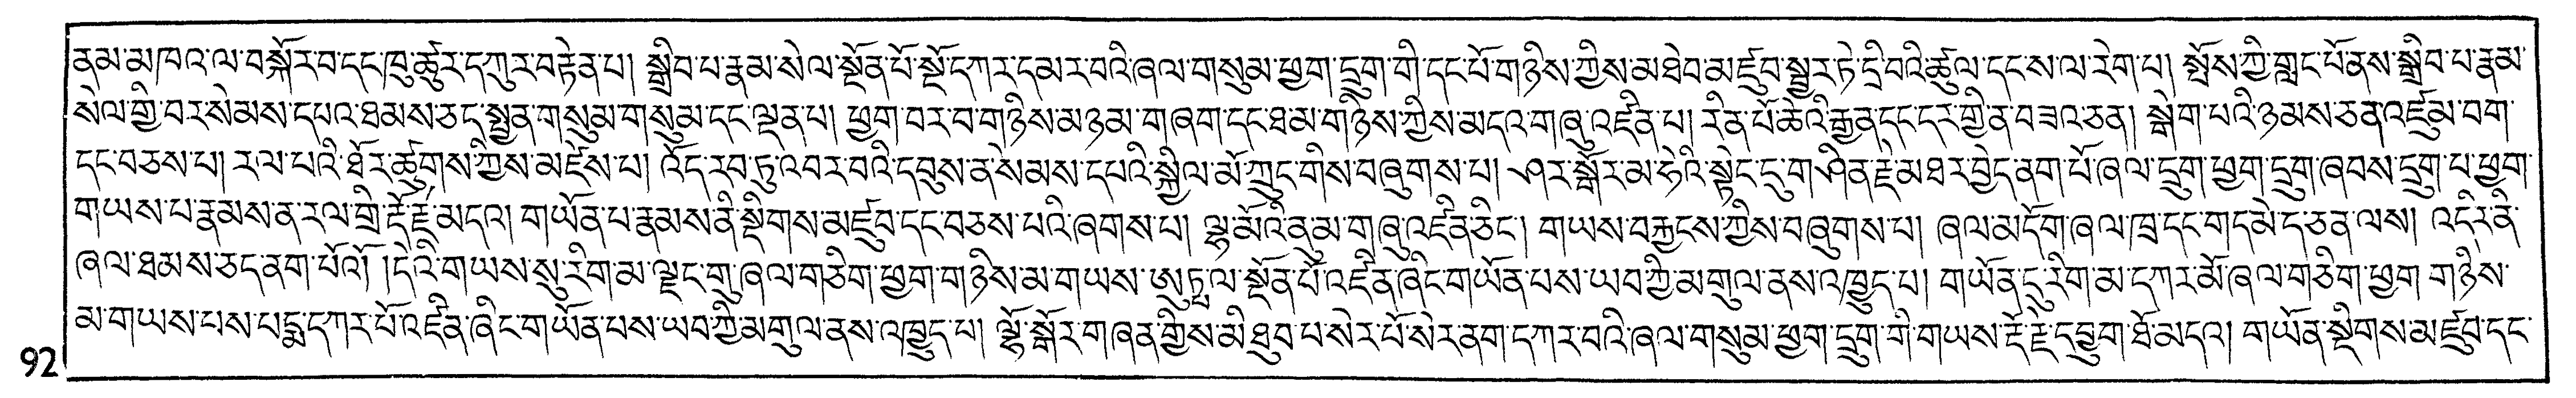ནམ་མཁའ་ལ་བསྐོར་བ་དང་ཁུ་ཚུར་དཀུར་བརྟེན་པ། སྒྲིབ་པ་རྣམ་སེལ་སྔོན་པོ་སྔོ་དཀར་དམར་བའི་ཞལ་གསུམ་ཕྱག་དྲུག་གི་དང་པོ་གཉིས་ཀྱིས་མཐེབ་མཛུབ་སྦྱར་ཏེ་དྲི་བའི་ཚུལ་དང་ས་ལ་རེག་པ། སྤོས་ཀྱི་གླང་པོ་ནས་སྒྲིབ་པ་རྣམ་
སེལ་གྱི་བར་སེམས་དཔའ་ཐམས་ཅད་སྤྱན་གསུམ་གསུམ་དང་ལྡན་པ། ཕྱག་བར་བ་གཉིས་མཉམ་གཞག་དང་ཐ་མ་གཉིས་ཀྱིས་མདའ་གཞུ་འཛིན་པ། རིན་པོ་ཆེའི་རྒྱན་དང་དར་གྱི་ན་བཟའ་ཅན། སྒེག་པའི་ཉམས་ཅན་འཛུམ་བག་
དང་བཅས་པ། རལ་པའི་ཐོར་ཚུགས་ཀྱིས་མཛེས་པ། འོད་རབ་ཏུ་འབར་བའི་དབུས་ན་སེམས་དཔའི་སྐྱིལ་མོ་ཀྲུང་གིས་བཞུགས་པ། ཤར་སྒོར་མ་ཧེའི་སྟེང་དུ་གཤིན་རྗེ་མཐར་བྱེད་ནག་པོ་ཞལ་དྲུག་ཕྱག་དྲུག་ཞབས་དྲུག་པ་ཕྱག་
གཡས་པ་རྣམས་ན་རལ་གྲི་རྡོ་རྗེ་མདའ། གཡོན་པ་རྣམས་ནི་སྡིགས་མཛུབ་དང་བཅས་པའི་ཞགས་པ། ལྷ་མོའི་ནུ་མ་གཞུ་འཛིན་ཅིང་། གཡས་བརྐྱངས་ཀྱིས་བཞུགས་པ། ཞལ་མདོག་ཞལ་ཁྲ་དང་གད་མེད་ཅན་ལས། འདིར་ནི་
ཞལ་ཐམས་ཅད་ནག་པོའོ། །དེའི་གཡས་སུ་རིག་མ་ལྗང་གུ་ཞལ་གཅིག་ཕྱག་གཉིས་མ་གཡས་ཨུཏྤལ་ལ་སྔོན་པོ་འཛིན་ཞིང་གཡོན་པས་ཡབ་ཀྱི་མགུལ་ནས་འཁྱུད་པ། གཡོན་དུ་རིག་མ་དཀར་མོ་ཞལ་གཅིག་ཕྱག་གཉིས་
མ་གཡས་པས་པདམ་དཀར་པོ་འཛིན་ཞིང་གཡོན་པས་ཡབ་ཀྱི་མགུལ་ནས་འཁྱུད་པ། ལྷོ་སྐོར་གཞན་གྱིས་མི་ཐུབ་པ་སེར་པོ་སེར་ནག་དཀར་བའི་ཞལ་གསུམ་ཕྱག་དྲུག་གི་གཡས་རྡོ་རྗེ་དབྱུག་ཐོ་མདའ། གཡོན་སྡིགས་མཛུབ་དང་